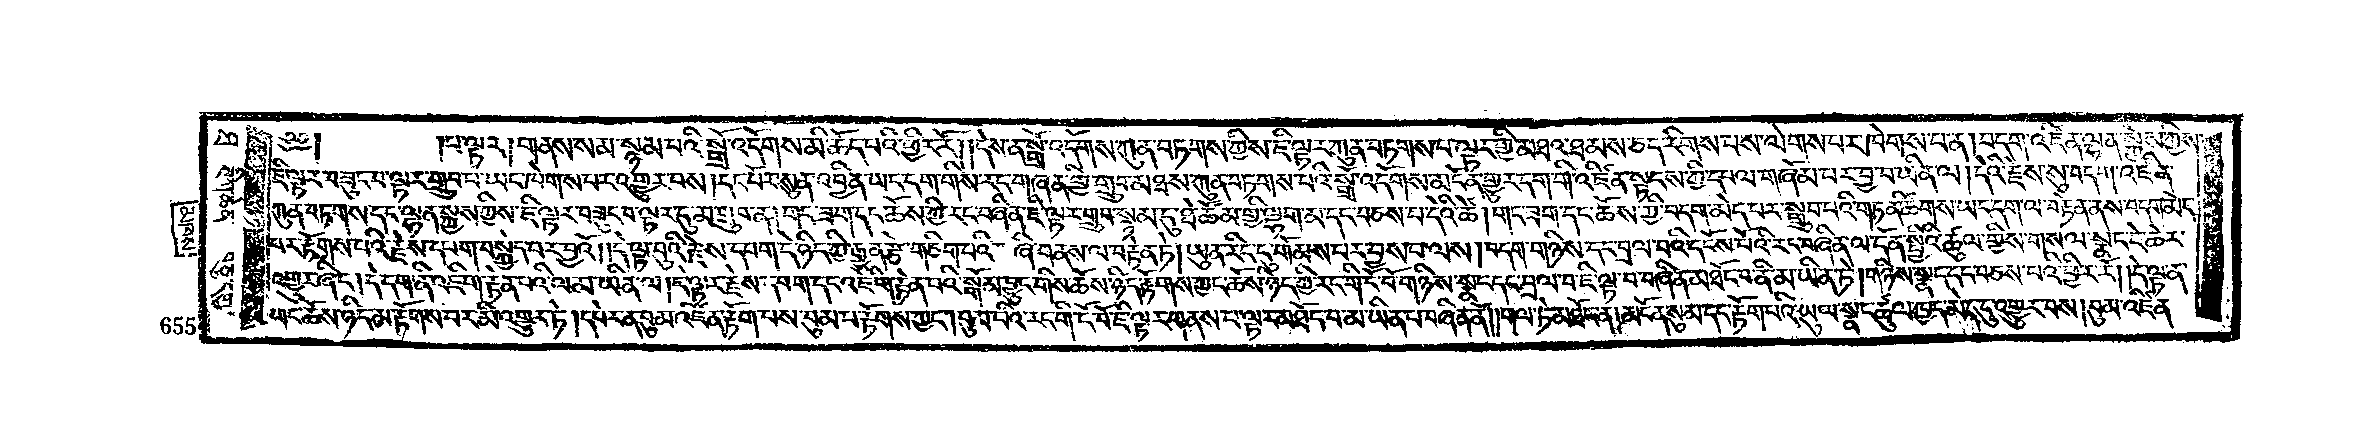༄༅། །པ་ལྟར། གནས་སམ་སྙམ་པའི་སྒྲོ་འདོགས་མི་ཆོད་པའི་ཕྱིར་རོ། །དེས་ན་སྒྲོ་འདོགས་ཀུན་བཏགས་ཀྱིས་ཇི་ལྟར་ཀུན་བཏགས་པ་ལྟར་གྱི་མཐའ་ཐམས་ཅད་རིགས་པས་ལེགས་པར་ཁེགས་པ་ན། བདག་འཛིན་ལྷན་སྐྱེས་ཀྱིས་
ཇི་ལྟར་བཟུང་བ་ལྟར་གྲུབ་པ་ཡང་ཁེགས་པར་འགྱུར་བས། དང་པོར་སུན་འབྱིན་ཡང་དག་གིས་རང་གཞན་གྱི་གྲུབ་མཐས་ཀུན་བཏགས་པའི་སྒྲོ་འདོགས་མངོན་གྱུར་དག་གི་འཛིན་སྟངས་ཀྱི་དཔལ་གཞོམ་པར་བྱ་བ་ཡིན་ལ། དེའི་རྗེས་སུ་བདག་འཛིན་
ཀུན་བཏགས་དང་ལྷན་སྐྱེས་ཀྱིས་ཇི་ལྟར་བཟུང་བ་ལྟར་དུ་མ་གྲུབ་ན། གང་ཟག་དང་ཆོས་ཀྱི་རང་བཞིན་ཇི་ལྟར་གྲུབ་སྙམ་དུ་ཐེ་ཚོམ་གྱི་ལྷག་མ་དང་བཅས་པ་དེའི་ཚེ། གང་ཟག་དང་ཆོས་ཀྱི་བདག་མེད་པར་སྒྲུབ་པའི་གཏན་ཚིགས་ཡང་དག་ལ་བརྟེན་ནས་བདག་མེད་
པར་རྟོགས་པའི་རྗེས་དཔག་བསྐྱེད་པར་བྱའོ། །དེ་ལྟ་བུའི་རྗེས་དཔག་དེ་ཉིད་ཀྱི་རྒྱུན་རྩེ་གཅིག་པའི་ཞི་གནས་ལ་བརྟེན་ཏེ། ཡུན་རིང་དུ་གོམས་པར་བྱས་པ་ལས། བདག་གཉིས་དང་བྲལ་བའི་དངོས་པོའི་རང་བཞིན་ལ་དོན་སྤྱིའི་ཚུལ་གྱིས་གསལ་སྣང་ངེ་ཆེར་
འགྱུར་ཞིང་། དེ་དག་ནི་འཇིག་རྟེན་པའི་ལམ་ཡིན་ལ། ཇི་ལྟར་རྗེས་དཔག་དང་འཇིག་རྟེན་པའི་སྒོམ་བྱུང་གིས་ཆོས་ཉིད་རྟོགས་ཀྱང་ཆོས་ཉིད་ཀྱི་རང་གི་ངོ་བོ་གཉིས་སྣང་དང་བྲལ་བ་ཇི་ལྟ་བ་བཞིན་མཐོང་བ་ནི་མ་ཡིན་ཏེ། གཉིས་སྣང་དང་བཅས་པའི་ཕྱིར་རོ། །དེ་ལྟ་ན་
ཡང་ཆོས་ཉིད་མ་རྟོགས་པར་མི་འགྱུར་ཏེ། དཔེར་ན་བུམ་འཛིན་རྟོག་པས་བུམ་པ་རྟོགས་ཀྱང་། བུམ་པའི་རང་གི་ངོ་བོ་ཇི་ལྟར་གནས་པ་ལྟར་མཐོང་བ་མ་ཡིན་པ་བཞིན་ནོ། །གལ་ཏེ་མཐོང་ན། མངོན་སུམ་དང་རྟོག་པའི་ཡུལ་སྣང་ཚུལ་ཁྱད་མེད་དུ་འགྱུར་བས། བུམ་འཛིན་